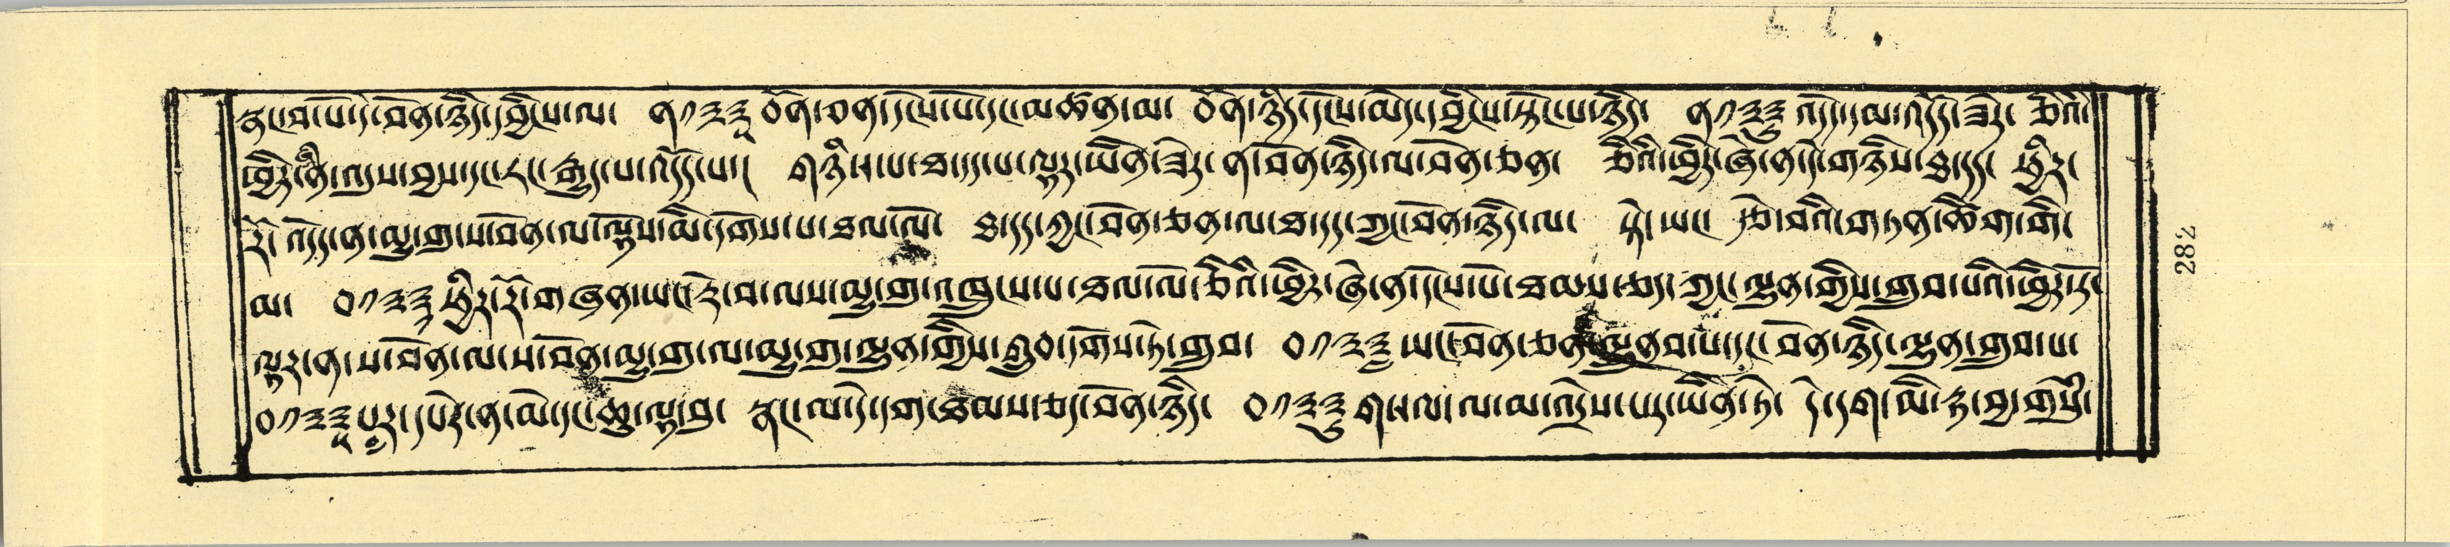སྣང་བ་པོ་དེ་བོན་ཉིད་དབྱིངས་ལ། ན༡༣༣།༥ ༼བོན་ཅན་༽དངོས་པོ་དང་མཚན་མ་ ༼བོན་ཉིད་༽དངོས་མེད་དབྱིངས་སྟོང་པ་ཉིད། ན༡༣༣།༦ འདོད་དམ་ ༼འདོད་༽ཟེར། ཅིའི་
ཕྱིར་ནི་འདུས་བྱས་དང་རང་རྒྱུད་པ་ ༼འདོད་༽པ། ༼གཉིས་པ་ཐ་༽དད་པ་ ༼ལྟར་༽ཡིན་ཟེར་ན་བོན་ཉིད་ལ་བོན་ཅན། ཅིའི་ཕྱིར་ཞེ་ན་དེ་གཉིས་ ༼ཐ་དད་ཕྱིར་
རོ།༽འདོད་ན་མྱུ་གུ་ས་བོན་ལ་ལྟོས་མི་དགོས་པ་ཐལ་ལོ། ༼ཐ་དད་ཀྱང་༽བོན་ཅན་ལ་ཐ་དད་ཀྱང་བོན་ཉིད་ལ་ ༼སྟེ་༽ཡང་རྩེ་བའི་གཏན་ཚིག་གི་
མ་བ༡༣༣།༡ ༼ཕྱིར་རོ་༽གཞན་ཡང་རྡོ་བ་ལས་མྱུ་གུ་འཁྲུངས་པ་ཐལ་ལོ་ཅིའི་ཕྱིར་ཞེ་ན་དངོས་པོ་ཐམས་ཅད་ཀྱང་ལྷུན་གྱིས་གྲུབ་པའི་ཕྱིར་རོ། 
༼ལྟར་ན་༽ས་བོན་ལ་ས་བོན་མྱུ་གུ་ལ་མྱུ་གུ་ལྷུན་གྱིས་ ༼གྲུབ་༽དགོས་ཏེ་གྲུབ། བ༡༣༣།༤ ཡང་བོན་ཅན་ལྷུན་གྲུབ་པ་དང། བོན་ཉིད་ལྷུན་གྲུབ་པ་
བ༡༣༣།༥ ༼པར་དཔེར་ན་༽མེ་དང་ཆུ་ལྟ་བུ། སྣང་ལ་དེ་དག་ཐམས་ཅད་བོན་ཉིད། བ༡༣༣།༦ ༼གསལ་༽ལ་མ་འདྲེས་པར་ཡིན་ཏེ། ༼དེ་དག་༽མི་རྟ་བྱ་གསུམ་